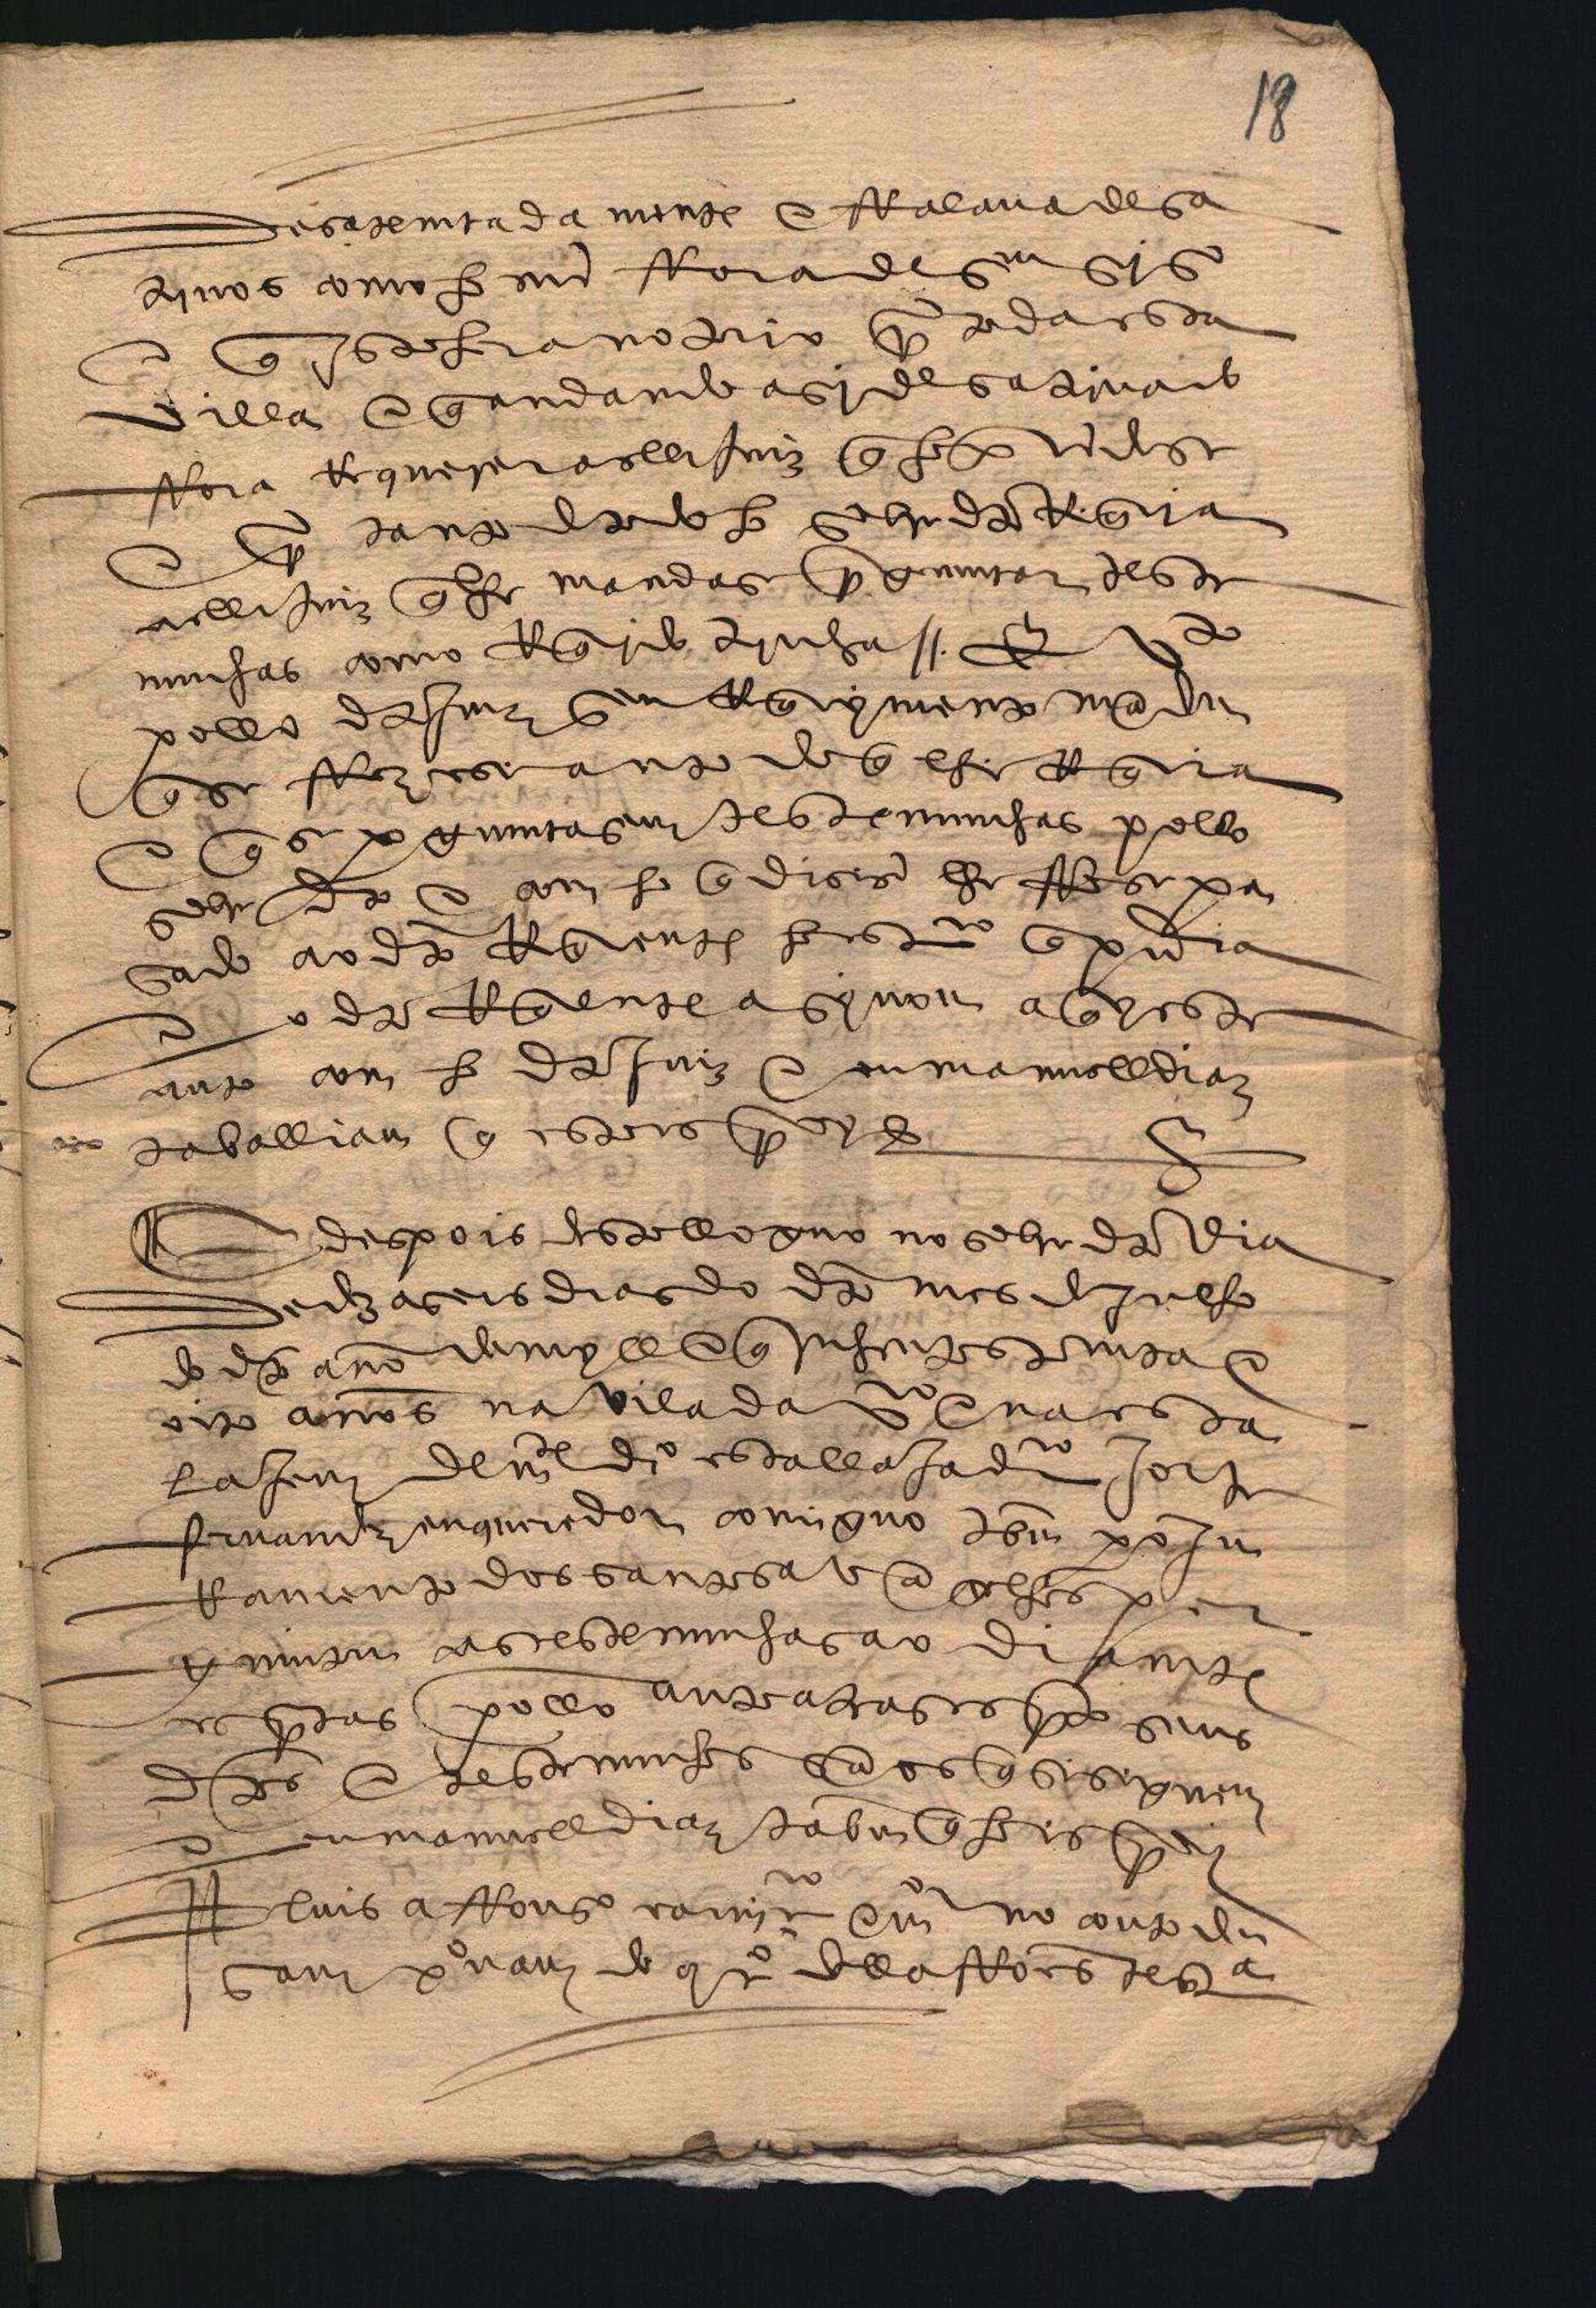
desatemtadamente e ffalaua desa
tinos como homē ffora de seu syso
e que Jsto hera notorio p̄o toda esta
villa e q̄ andando asy desatinado
ffora Requerer a elle Juiz q̄ ho p̄rēdese
e p̄o tanto de todo ho sobredto Req̄ria
a elle Juiz q̄ lhe mandase p̄gumtar teste
munhas como Req̄ido tinha //. E vto
pollo dto Juiz seu Req̄rymento mādou
q̄ se ffezese auto do q̄ lhe Req̄ia
e q̄ se ꝑgumtasem testemunhas pollo
sobre dto e com ho q̄ disesē lhe ffose pa
sado ao dt̄o Req̄rente ho estro q̄ pidia
e o dto Req̄ente asynou aq̄y este
auto com ho dto Juiz e eu manuell diaz
taballiam q̄ esto esp̄vy
E despois desto lloguo no sobredto dia
de dezaseis dias do dt̄o mes de Julho
do dt̄o an̄o de myll e q̄jnhentos trinta e
oito an̄os na vila davro e na esta
laJem de mte dio estallaJadrro Jorje
fernandez enqueredor comiguo tb̄m ꝑ o Ju
Ramento dos santos avāgelhos per
gumtou as testemunhas ao diamte
esp̄tas pollo auto atras esp̄to seus
dt̄os e testemunhos sā os q̄ se seguem
e eu manuell diaz tābm q̄ ho esp̄vy
Jt luis affonso carniçro e mor no couto de
sam xouam do ꝯco de llaffoẽs testa
